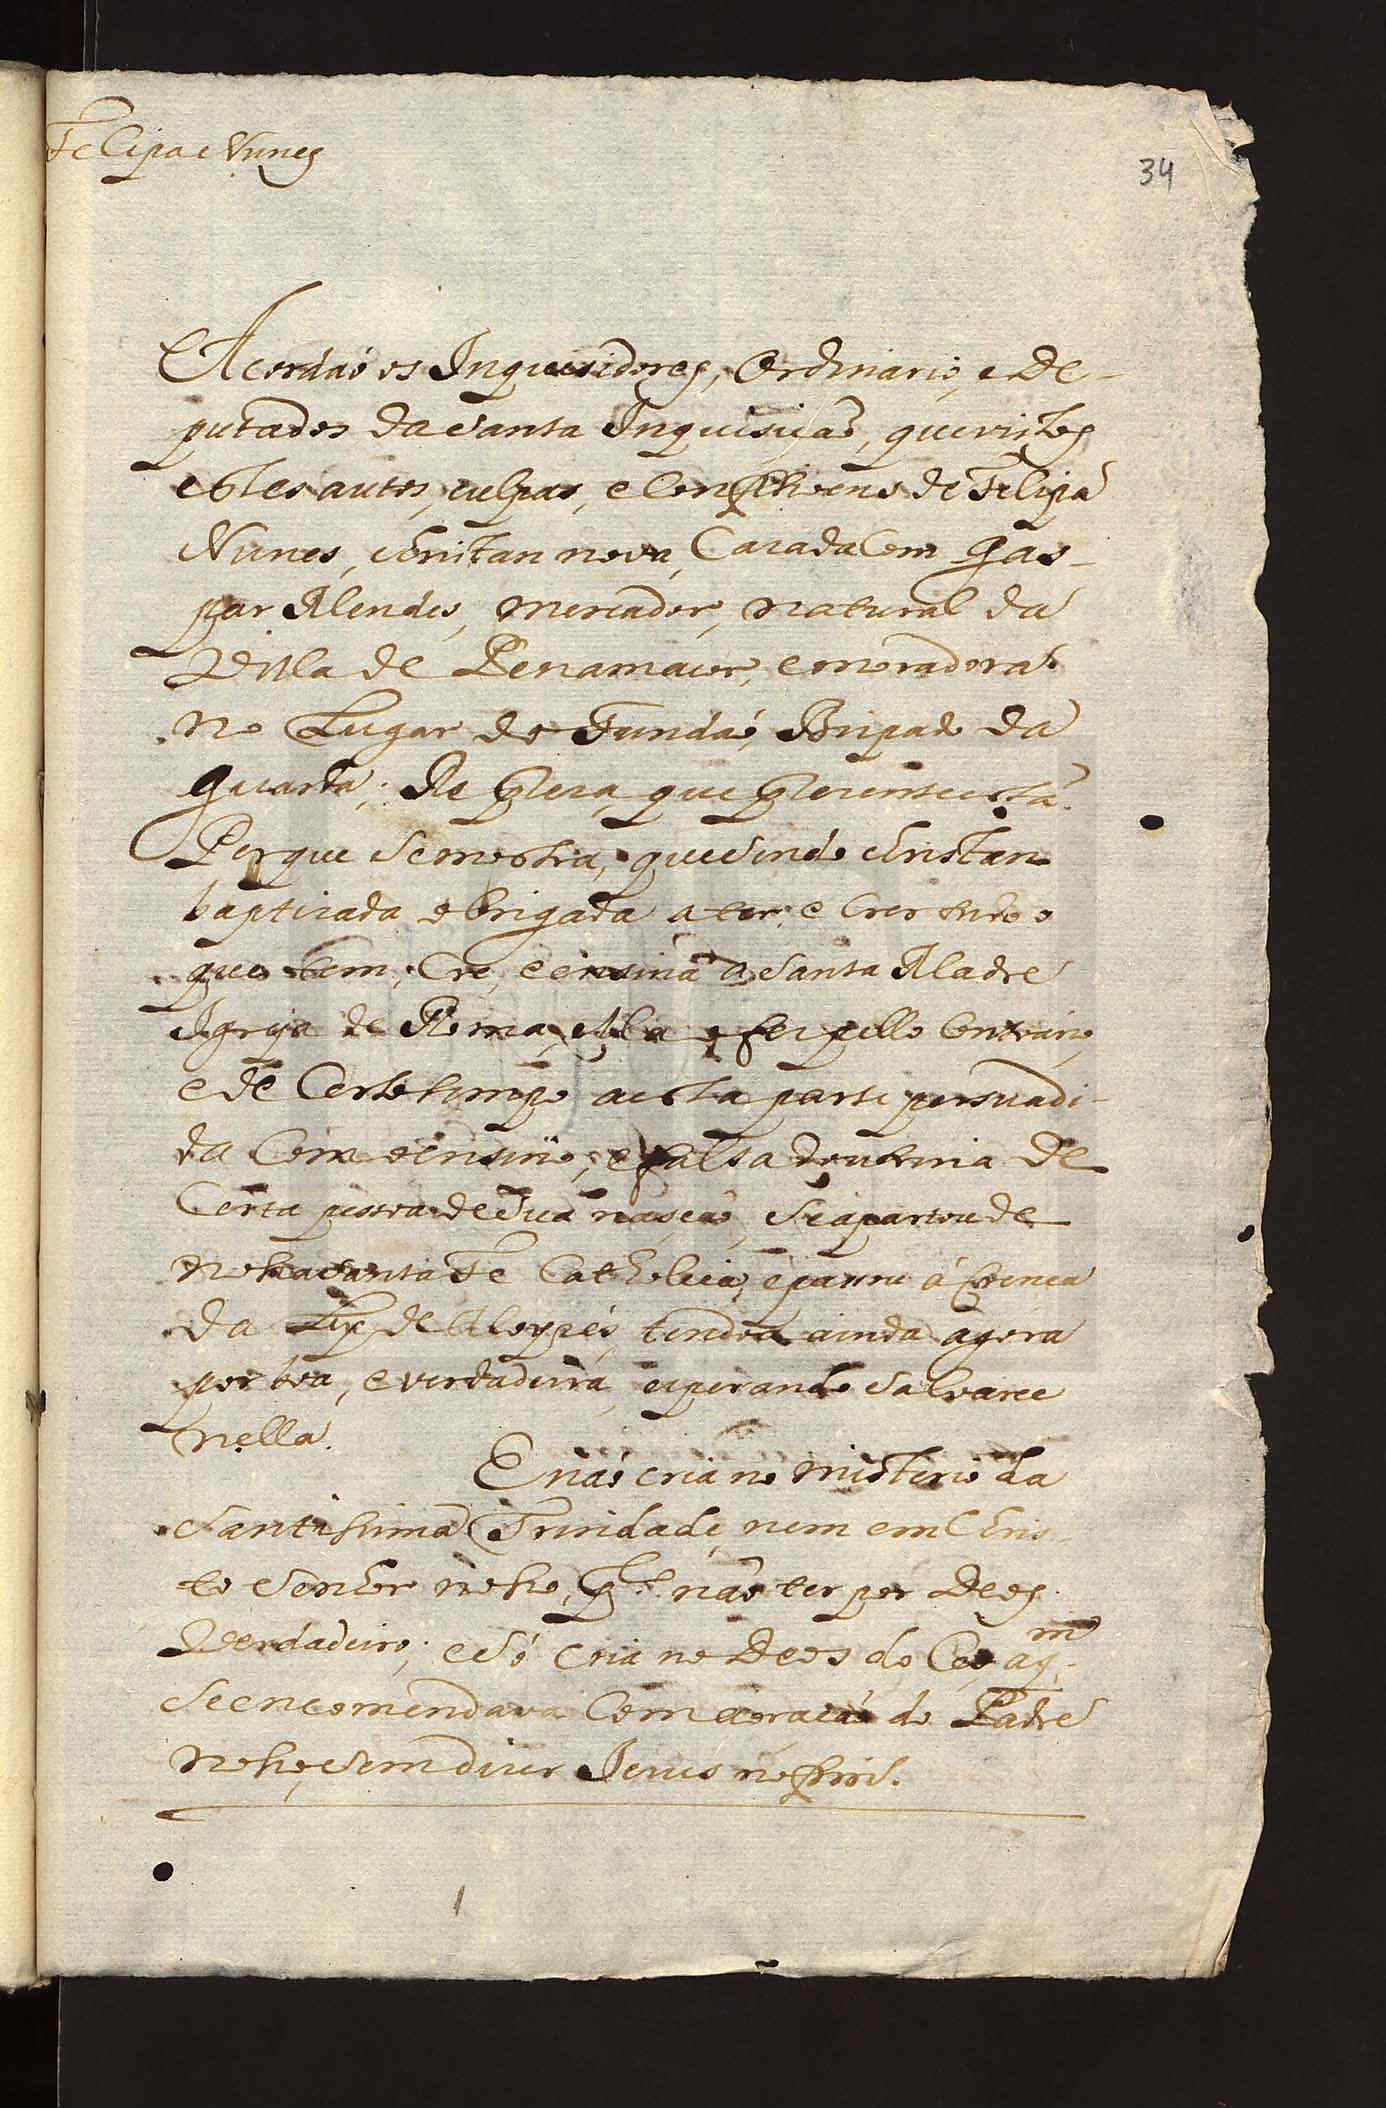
Felipa Nunes
Acordaõ os Inquisidores, Ordinario, e De
putados da santa Inquisiçaõ, que vistos
estes autos, culpas, e confissoens de Felipa
Nunes, christan nova, Cazada com Gas
par Mendes, mercador, natural da
Villa de Penamacor, e moradora
no Lugar do Fundaõ, Bispado da
Guarda; Re preza, que prezente esta?
Porque se mostra, que sendo christan
baptizada obrigada a ter, e crer tudo o
que tem; Cre, e ensina a santa Madre
Igreja de Roma, ella o fez pello Contrario,
e de Certo tempo a esta parte persuadi
da Com o ensino, e falsa doutrina de
Certa pessoa de sua nascaõ, se apartou de
nossa santa Fe Catholica, e passou á Crenca
da Ley de Moyzés, tendoa ainda agora
por boa, e verdadeira, esperando salvarce
nella.
E naõ cria no Misterio da
Santissima Trindade, nem em Chris
to Senhor nosso, p.lo naõ ter por Deos
Verdadeiro; e Só cria no Deos do Ceo, a qm
se encomendava Com o coraçaõ do Padre
nosso, sem dizer Iesus no fim.
